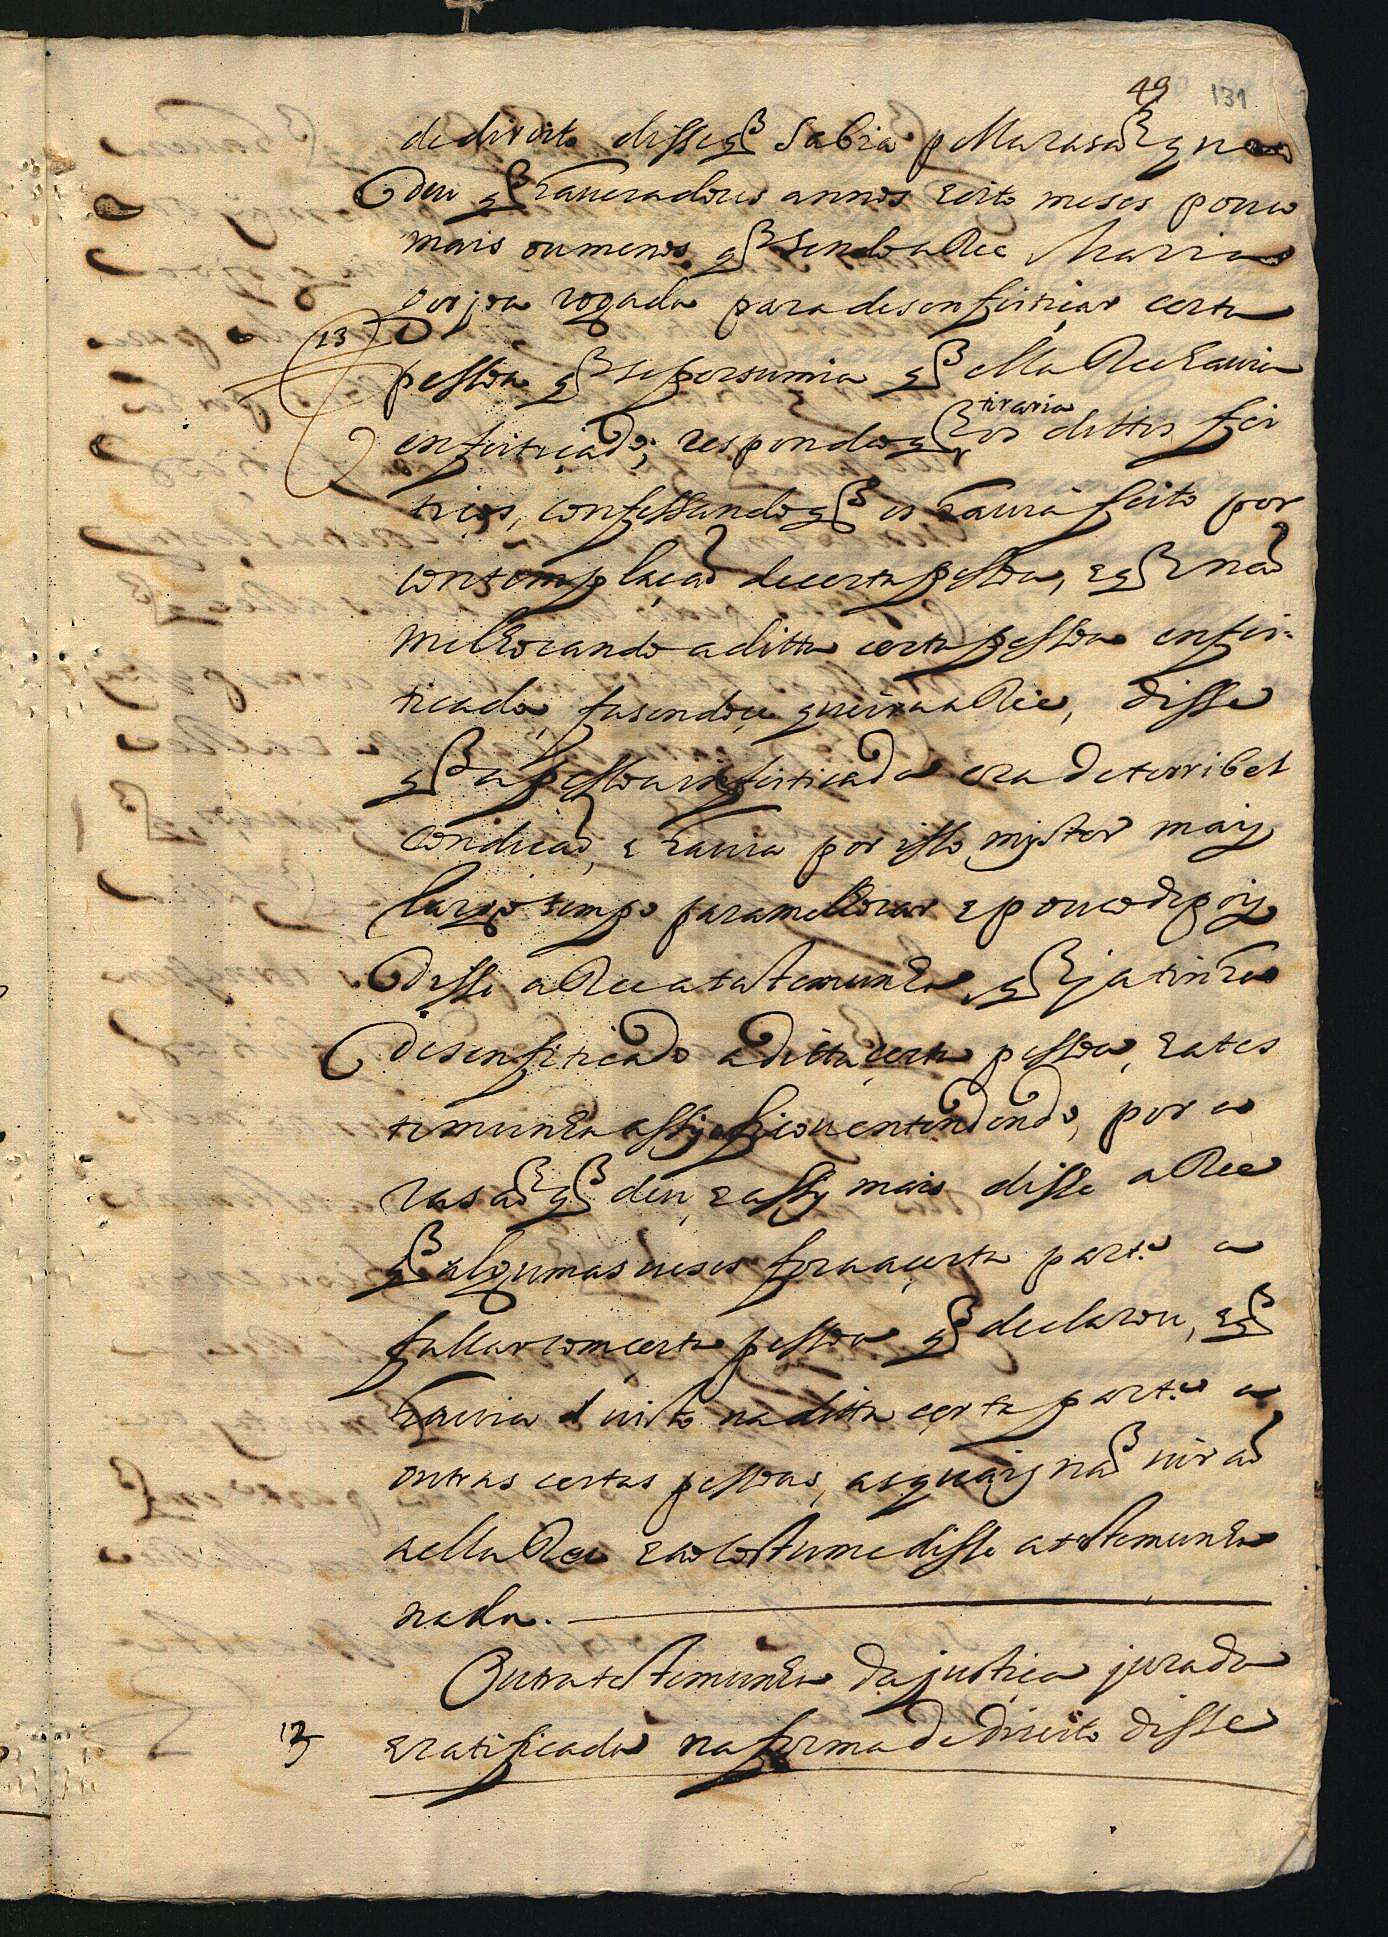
de direito disse q̄ sabia pella razaõ que
deu q̄ hauera dous annos E oito meses pouco
mais ou menos q̄ sendo a Ree Maria
gorjoa rogada para desenfeitiçar certa
pessoa q̄ se persumia q̄ ella Ree hauia
enfeitiçado, respondeo q̄
tiraria
os dittos fei
tiços, confessando q̄ os hauia feito por
contemplaçaõ de certa pessoa, E q̄ não
melhorando a ditta certa pessoa enfei
tiçada, fasendoce queixa a Ree, disse
q̄ a pessoa infeitiçada era de terribel
condiçaõ, E hauia por isso myster mais
largo tempo para melhorar E pouco depois
disse a Ree a testemunha, q̄ ja tinha
desenfitiçado a ditta certa pessoa, E a tes
temunha assy ficou entendendo, por a
rasaõ q̄ deu, E assy mais disse a Ree
q̄ algumas ueses fora a certa parte a
fallar com certa pessoa q̄ declarou, E q̄
hauia uisto na ditta certa parte a
outras certas pessoas, as quais naõ uiraõ
a ella Ree E ao costume disse a testemunha
nada.
Outra testemunha da justiça jurada
E ratificada na forma de Direito disse
